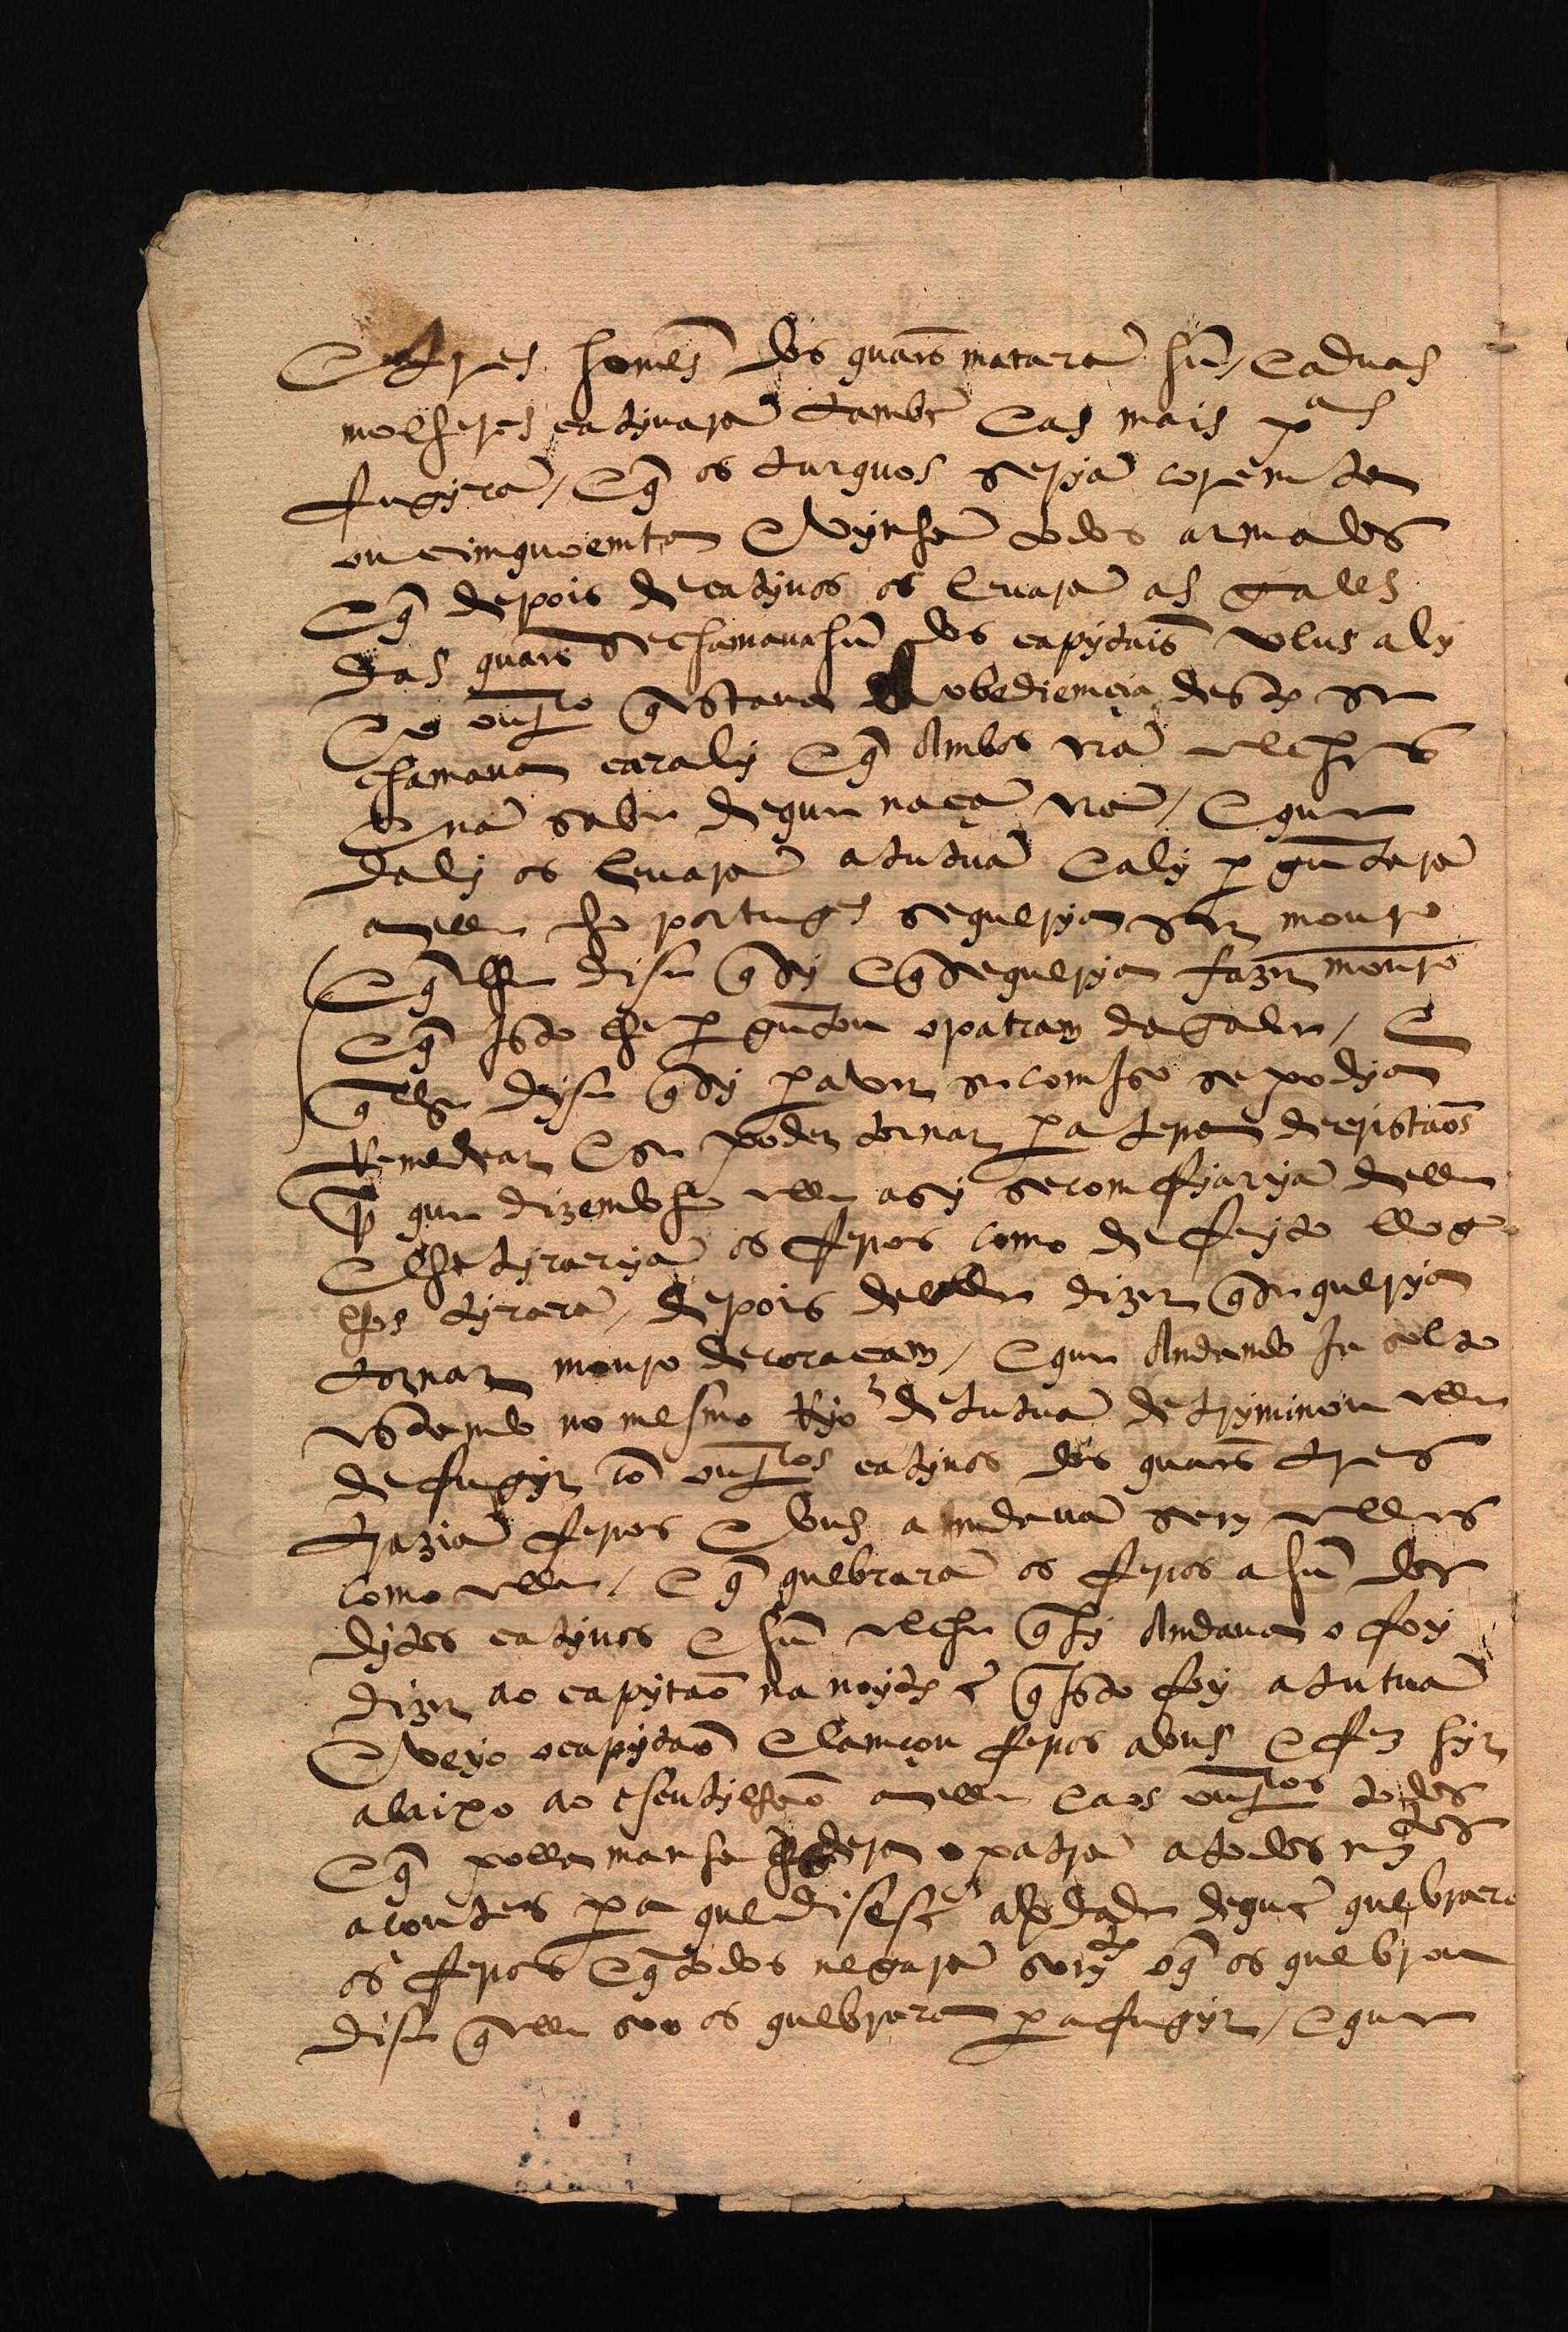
e tres homēs dos quāes matarā hū / e a duas
molheres catjuarā tambē e as mais pas
fugyrā / e q̅ os turquos serjā coremta
ou cimquoemta e vynhā todos armados
e q̅ depois de catyuos os leuarā as gales
das quāes se chamaua hū dos capytāis vlus aly
e o outro q̄ estaua _ obediemcia destꝭ se
chamaua cazaly e q̄ Ambos erā elches
e nā sabe de que naçā erā / e que
dalj os leuarā a tutuā e aly ꝑgūtarā
a elle djo portuges se querya ser mouro
e q̅ lhe dise q̄ sy e q̄ se querya fazer mouro
e q̅ Jsto lhe ꝑgu̅tou o patram da gale / e
q̄ lhe dyse q̅ sy ꝑa ver se com Jso se podja
Remedear e se poder tornar ꝑa terra de cristaõs
p̄o que dizendo ho elle asy se comfjaryā delle
e lhe tjraryā os ferros como de feyto llogo
lhos tyrarā, depois de elle dizer q̄ se querya
tornar mouro de coraçam / e que Andando Ja solto
estamdo no mesmo Ryo de tutuā detryminou elle
de fugyr c̄o outros catyuos dos quaēs tres
traziā ferros e dous amdauā sem elles
como ella / e q̄ quebrarā os ferros a hū dos
djtos catyuos e hu̅ elche q̅ hy Amdaua o foy
dizer ao capytão na noytꝭ e̅ q̅ Jsto foy a tutuā
e veyo o capytaõ e lamçou foros a dous e fez hyr
abaixo ao escutylhão a elle e aos outros todos
e q̄ polla manha lhe dera o patrā a todos mtos
açoutes ꝑa que disese a ꝟdade de quē quebrara
os ferros e q̄ todos negarā somtꝭ o q̄ os quebrou
dise q̅ elle soo os quebrara ꝑa fugyr / e que
